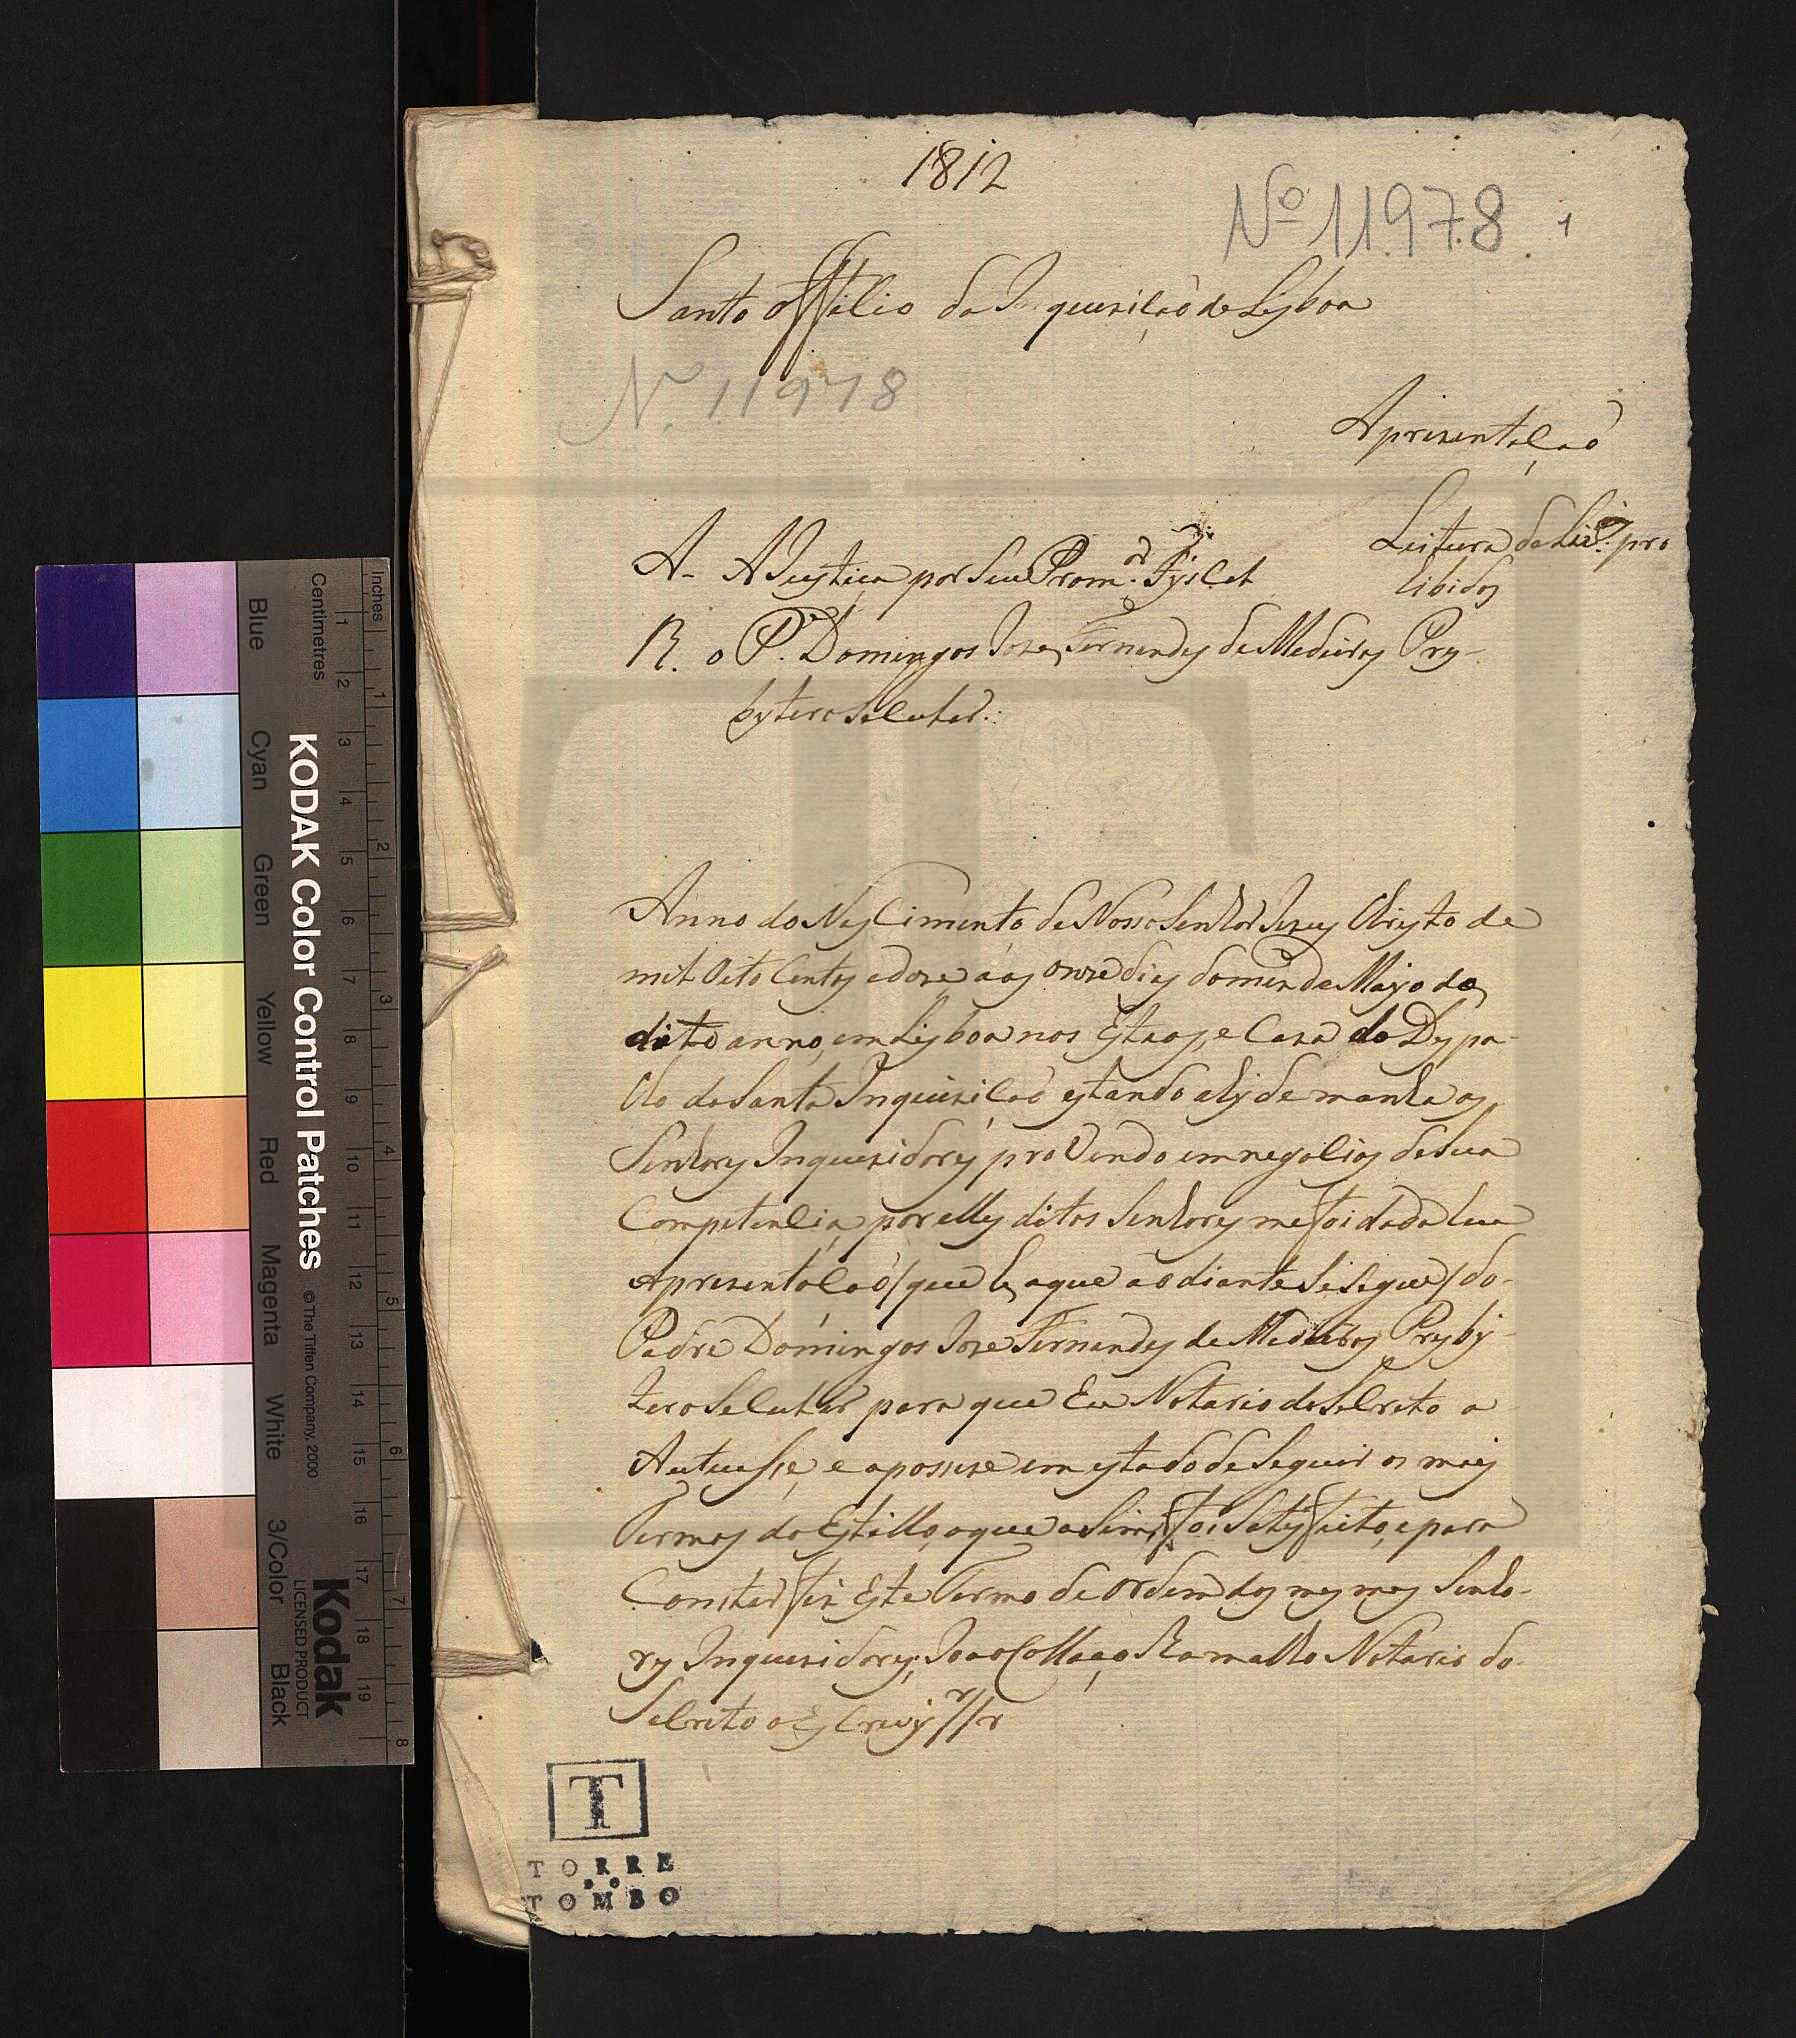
1812
Santo offiCio da Inquiziçaõ de Lisboa
Aprezentaçaõ
Leitura de liv. pro
hibidos
A. A Iustiça por seu Prom.or fysCal
R. o P.e Domingos Ioze Fernandes de Medeiros Pres
bytero Secular.
Anno do NasCimento de Nosso Senhor Iezus Christo de
mil OitoCentos e doze aos onze dias do mez de Mayo do
dito anno, em Lisboa nos Estaos, e Caza do Despa
Cho da Santa Inquiziçaõ estando ahy de manha os
Senhores Inquizidores proVendo em negocios de sua
Competencia por elles ditos Senhores me foi dada hua
Aprezentaçaõ/ que he o que ao diante se segue do
Padre Domingos Ioze Fernandes de Medeiros Presby
tero Secular para que Eu Notario do SeCreto a
Autuasse, e a possese em estado de seguir os mais
Termos do Estillo, o que asim foi satisfeito, e para
Constar fiz este Termo de ordem dos mesmos Senho
res Inquizidores, Ioaõ Collaço Ramalho Notario do
Secreto o escrevy //
